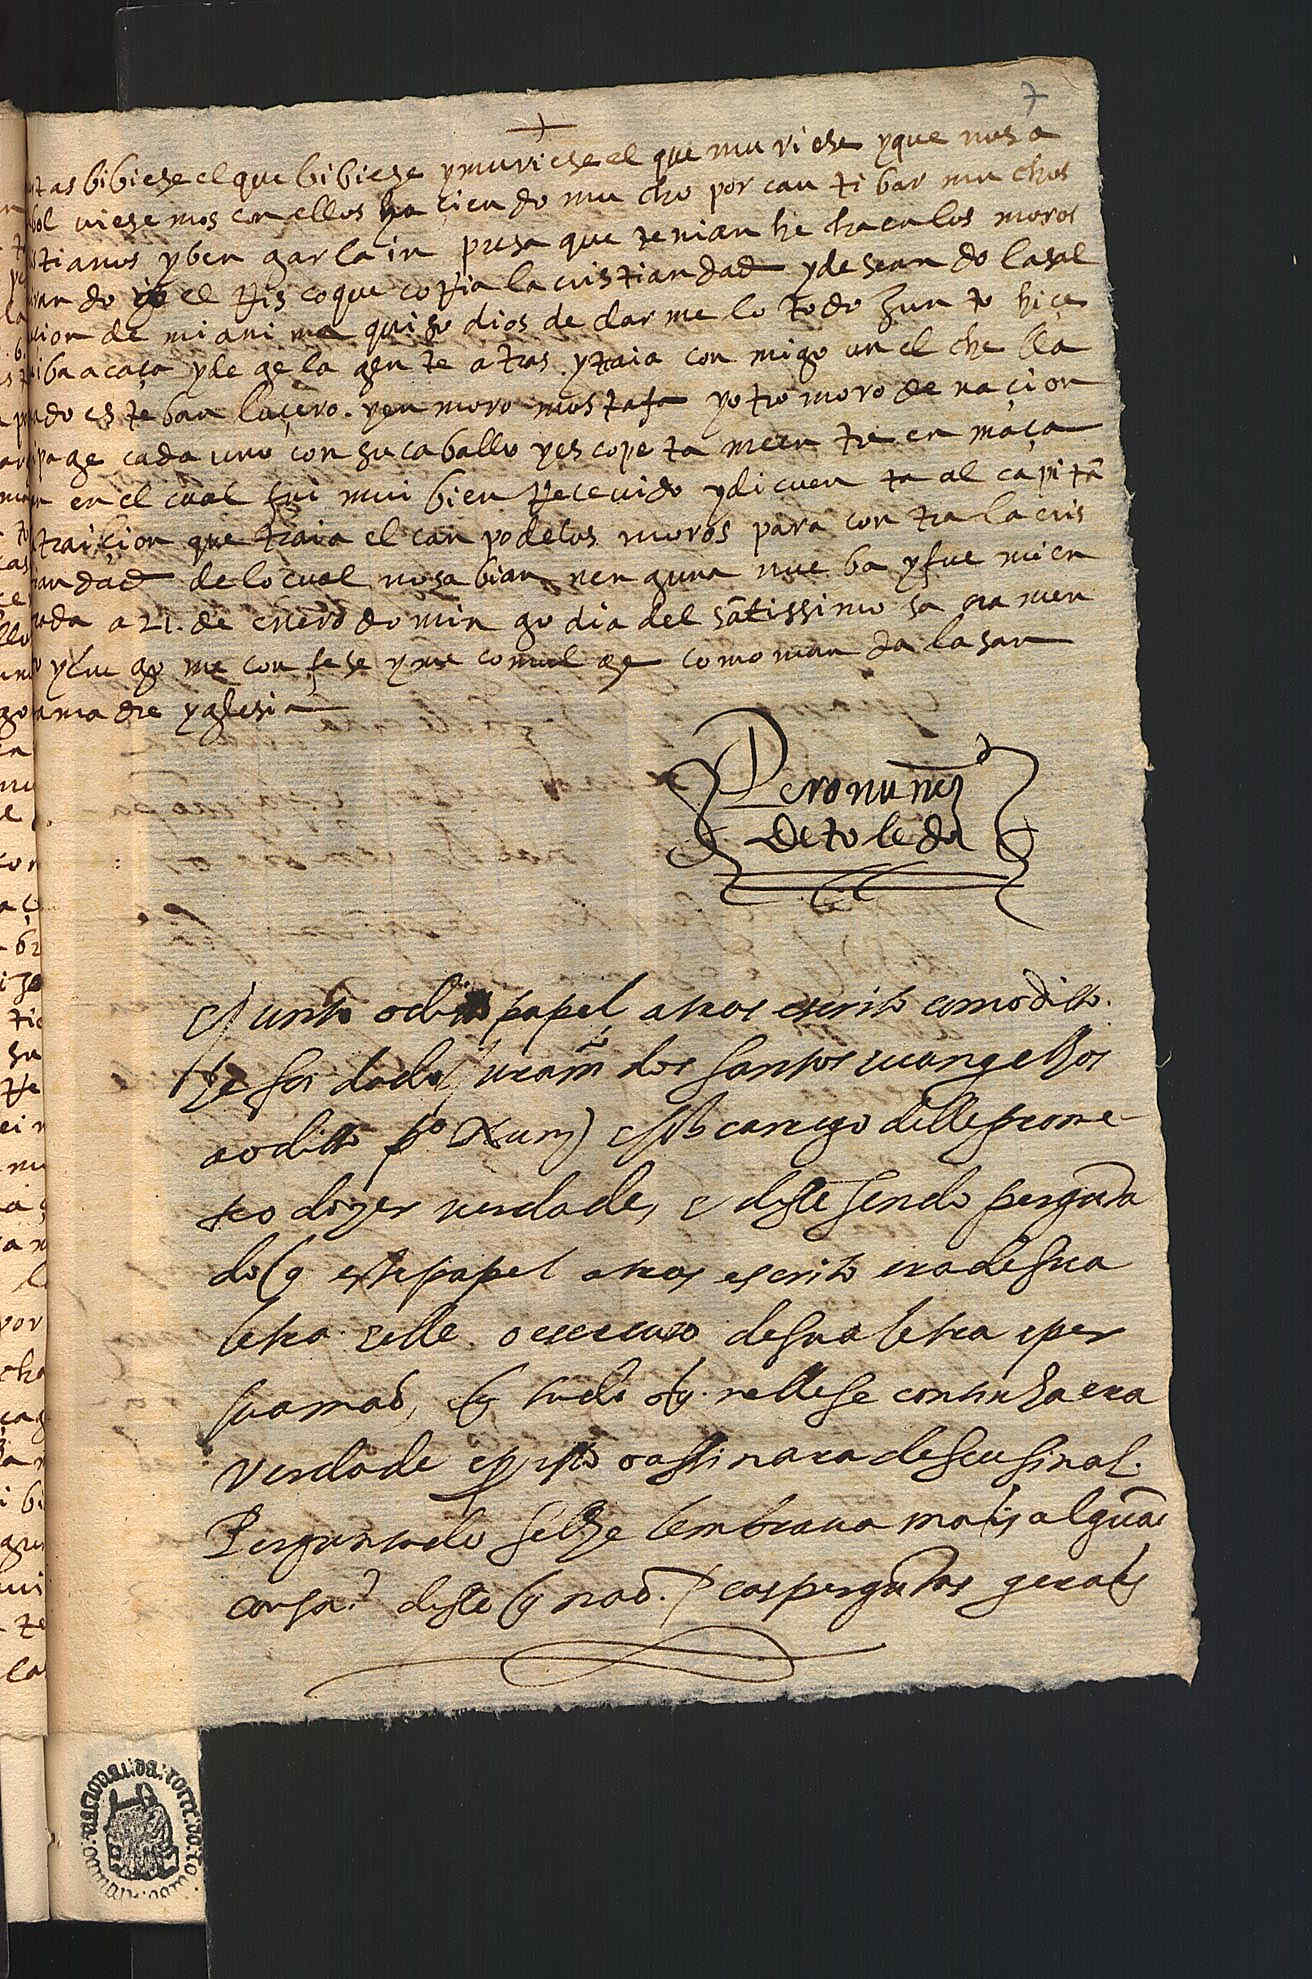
tas bibiese el que bibiese y muriese el que muriese y que nos a
bol uiesemos con ellos haciendo mucho por cautibar muchos
tianos y bengar la inpresa que tenian hecha ca los moros
irando yo el Risco que coRia la cristiandad e deseando la sal
cion de mi anima quiso dios de dar me lo todo Junto hice
iba a caça y dege la gente atras y traia conmigo un elche lla
ado esteban lucero y en moro mustafa y otro moro de naçion
ipage cada uno con su caballo y escopeta me entre en maça
an en el cual fui mui bien Receuido y di cuenta al capitā
traicion que traia el canpo de los moros para contra la cris
andad de lo cual no sabian nenguna nueba y fue mi en
ada a 21. de enero domingo dia del sātissimo sacramen
y luego me confese y me comulge como manda la san
a madre yglesia
Pero nun̄ez
de toledo
E junto o ditto papel atras escrito como ditto
he foi dado Juramto dos santos euangelhos
ao ditto po Nunz̄ e sob carrego delle prome
teo dizer uerdade, E disse sendo pergūta
do q̄ este papel atras escrito era de sua
letra E elle o escreueo de sua letra e per
sua maõ, e q̄ tudo o q̄ nelle se continha era
verdade e ꝑ isto o assinara de seu sinal
Perguntado se lhe lembraua mais algūa
cousa? disse q̄ naõ. / e as pergūtas geraes
